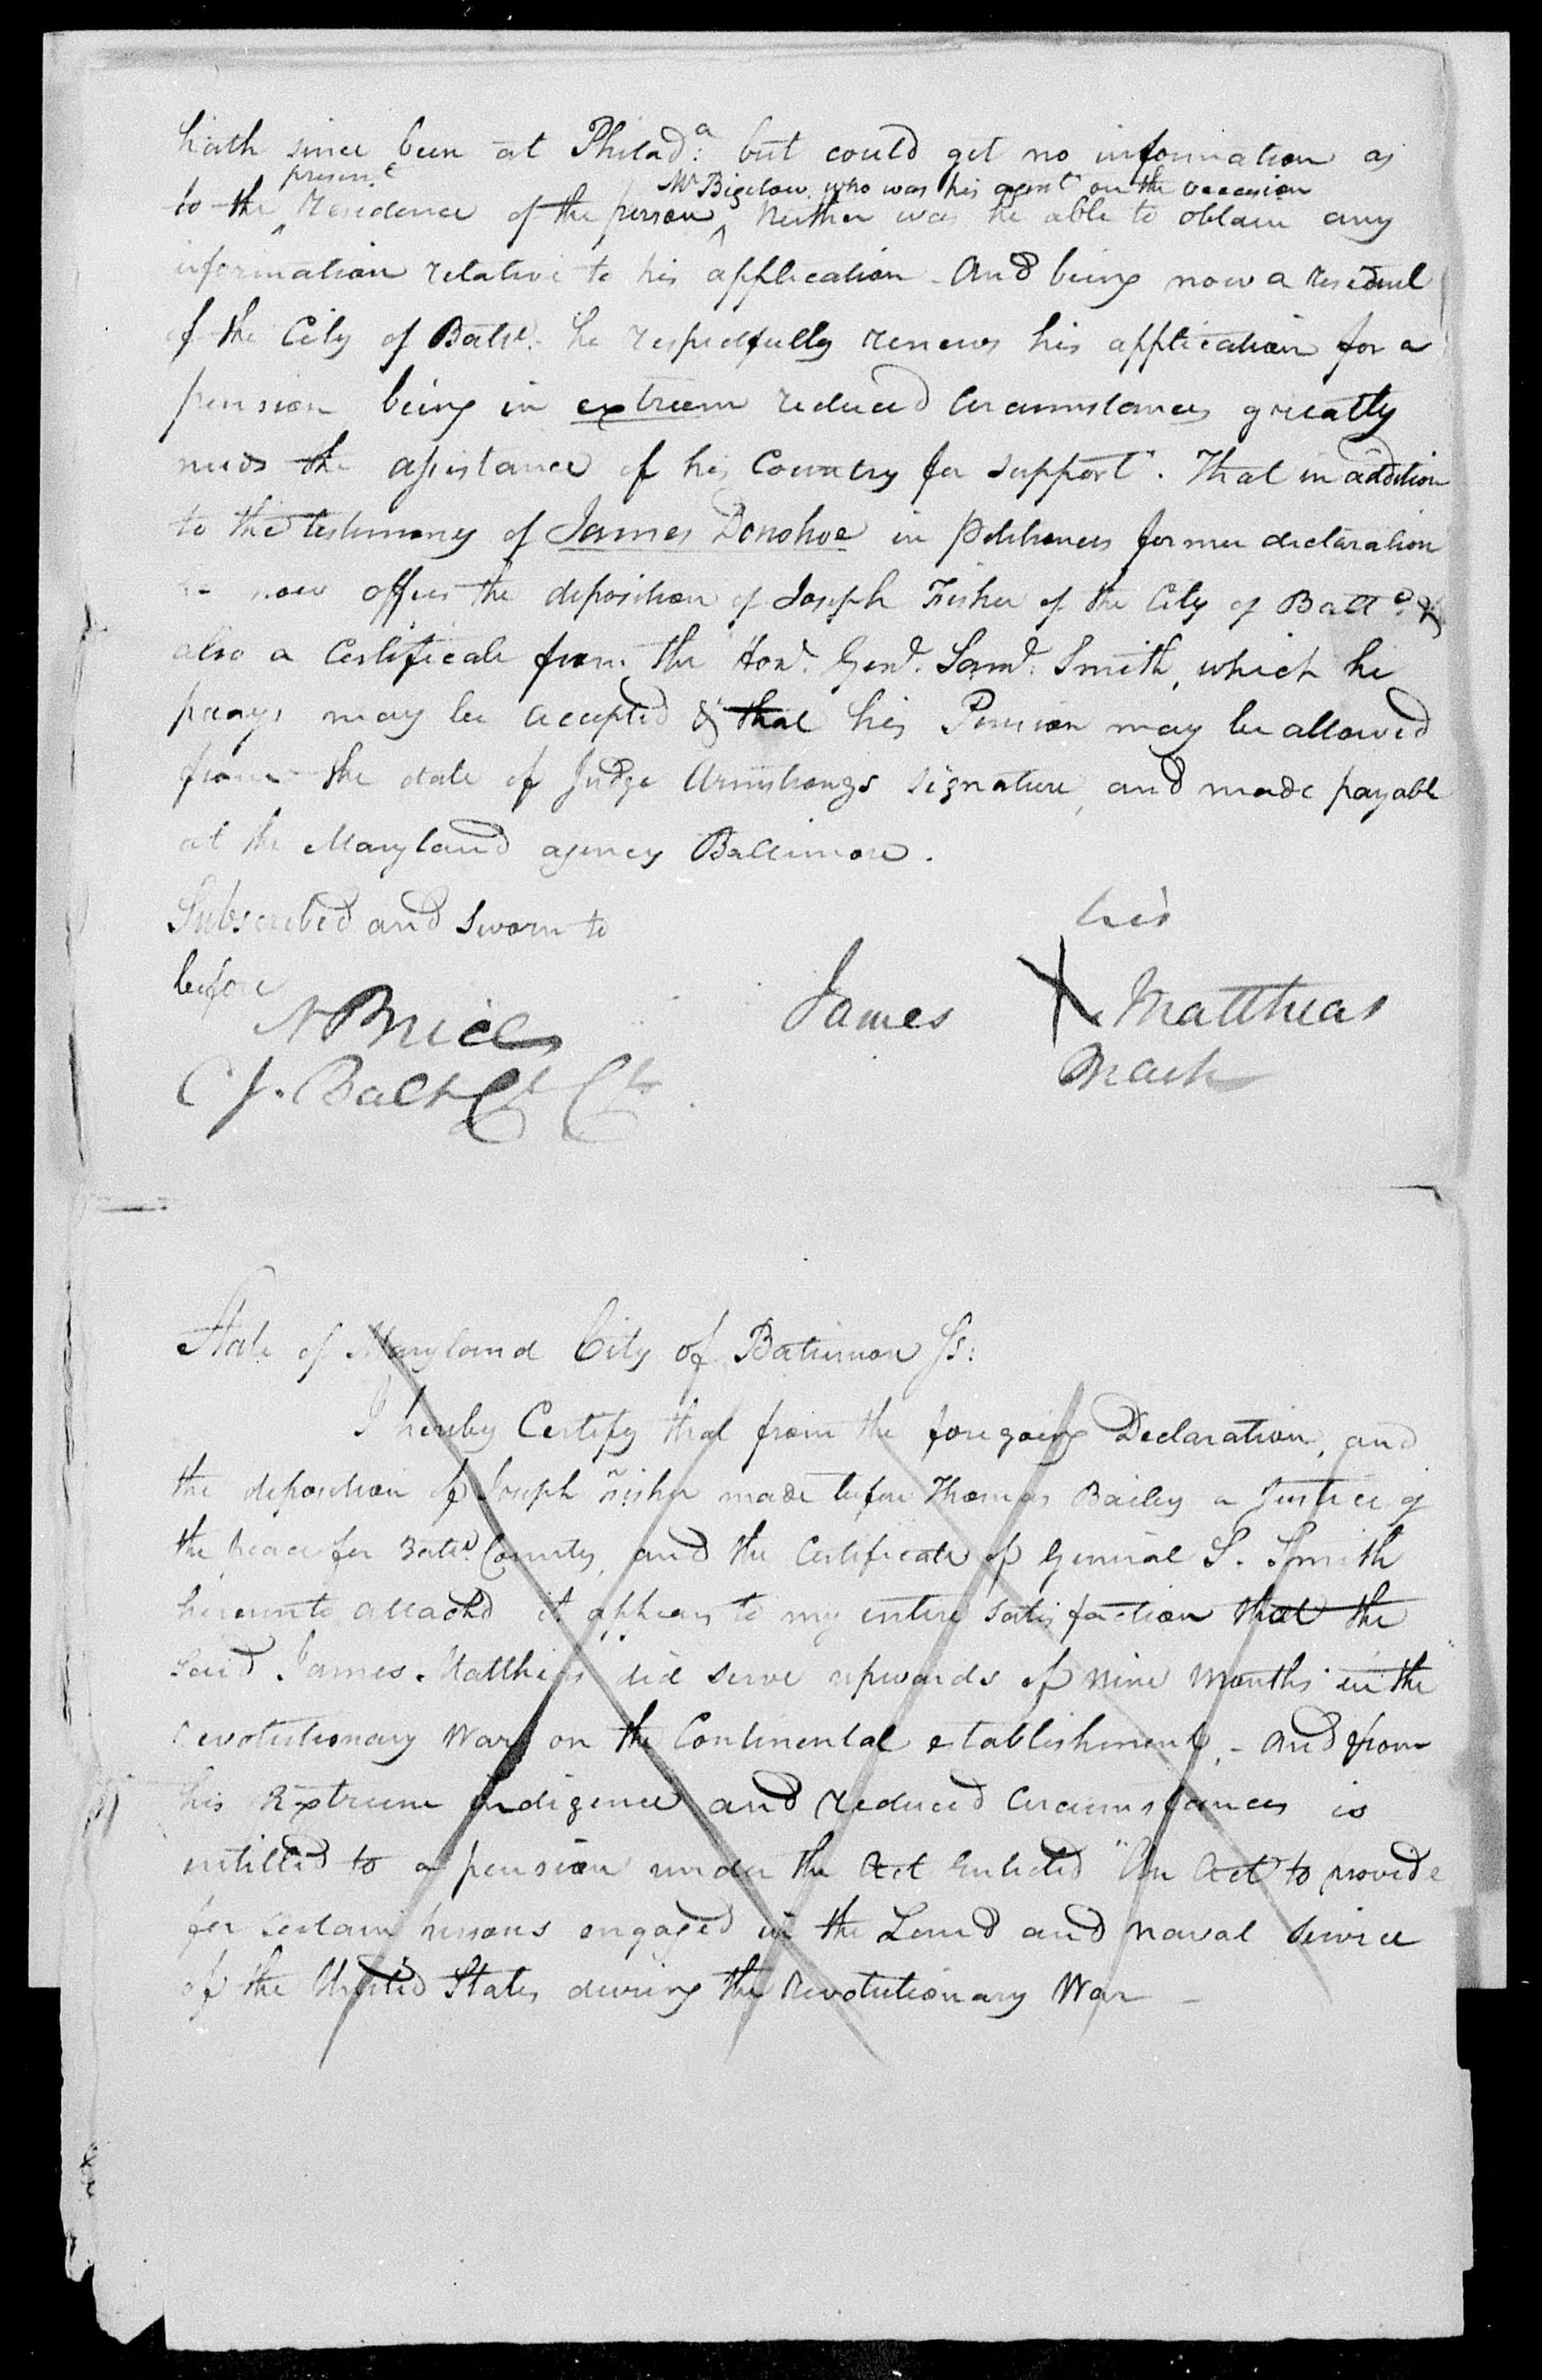hath since been at Philada but could get no information as to the present residence of the person. Mr Bigelow, who was his agent on the occasion. neither was he able to obtain any 
information relative to his application. and being now a resident of the City of Balt'm, he respectfully renews his application for a pension being in extreme reduced circumstances greatly needs the assistance of his country for support. That in addition to the testimony of James Donohoe in Petitioners former declaration, he now offers the deposition of Joseph Fisher of the City of Balt'm + also a certificate from the Hon Genl Saml Smith, which he
prays may be accepted & that his pension may be allowed from the date of Judge Armstrongs signature, and made payable at the Maryland agency Baltimore
his
James  x Matthias 
Mark

Subscribed and sworn to
N Brice
C J Balt'm Ct.

State of Maryland City of Baltimore  ss
 [this next text is x'd out in the original]
I hereby certify that from the foregoing Declaration, and the deposition of Joseph Fisher made before Thomas Bailey, a Justice of the peace for Bates County, and the certificate of General S. Smith hereunto attached, it appears to my entire satisfaction that the said James Matthews did serve upwards of nine months in the revolutionary war on the Continental establishment and from his extreme indigence and reduced circumstances is entitled to a pension under the act entitled "An act to provide for certain persons engaged in the Land and naval service
of the United States during the revolutionary War-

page: 17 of 20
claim: survivor's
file: S. 40,119, for James Mathias, Maryland